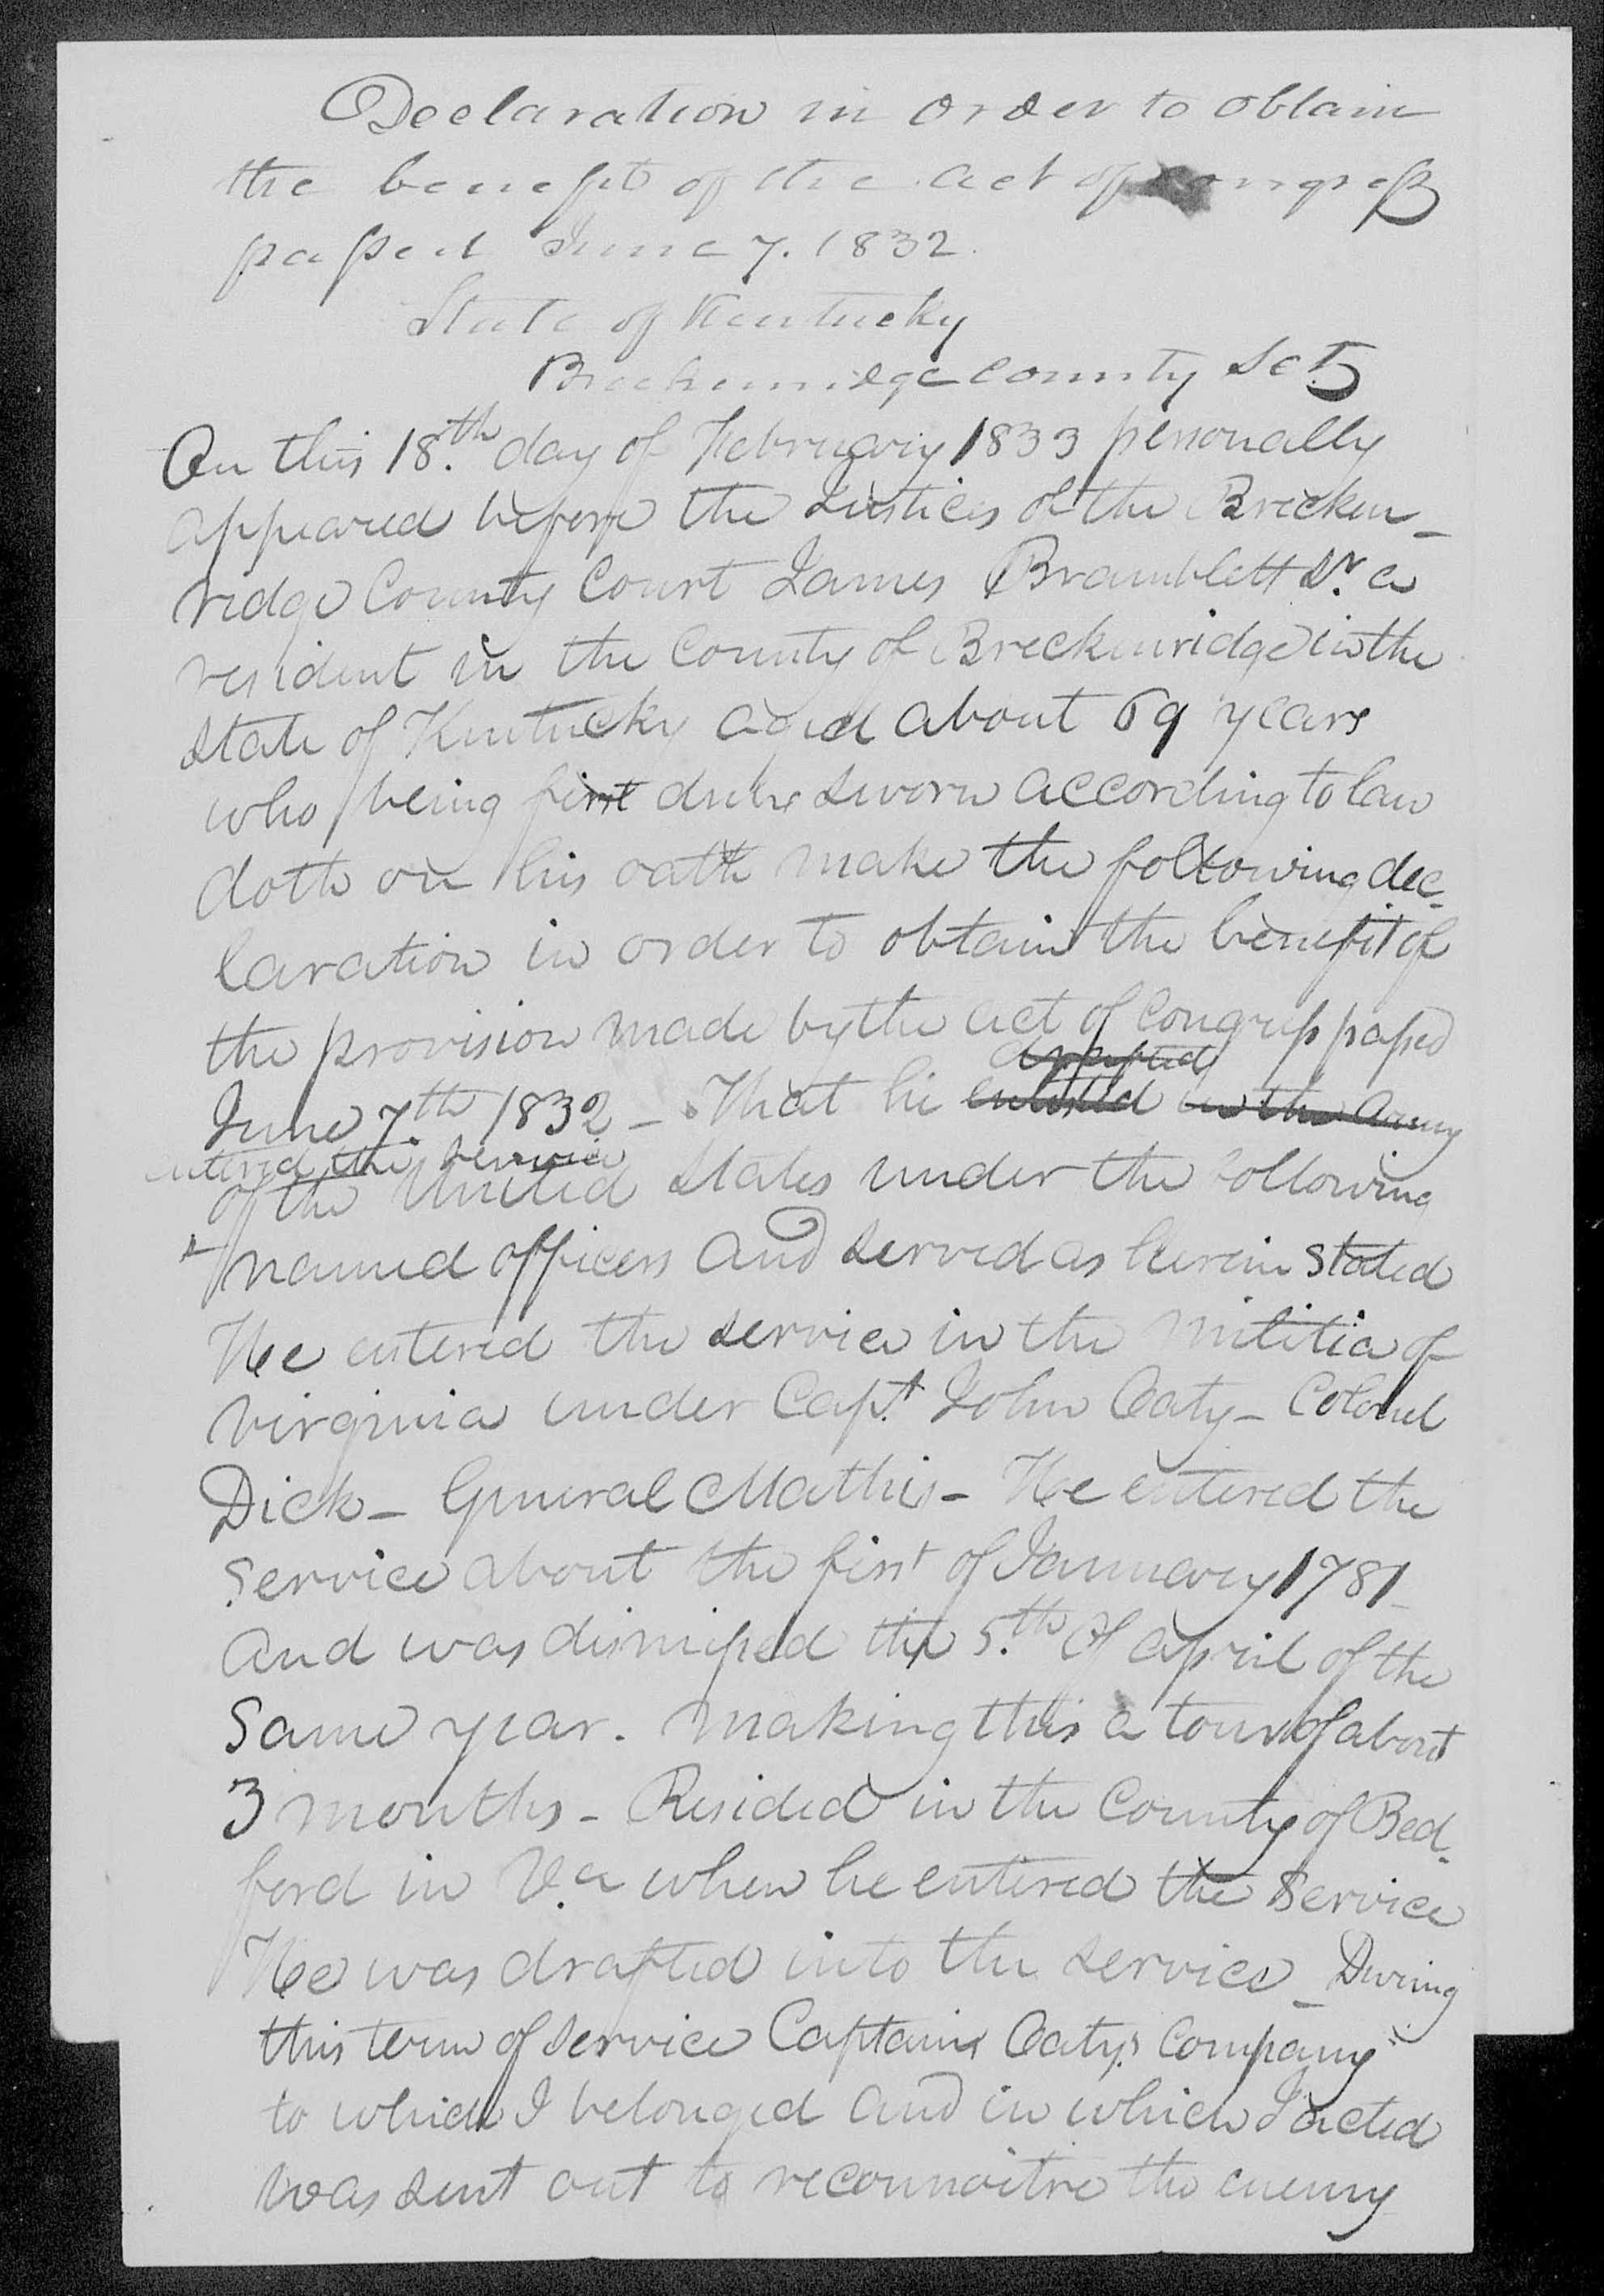[Declaration page 1]

Declaration in order to obtain the benefits of the Act of Congress passed June 7, 1832
State of Kentucky
Breckenridge county Sct

On this 18th day of February 1833 personally appeared before the Justices of the Breckenridge County Court, James Blamblett 
Sr. a resident in the County of Breckenridge in the state of Kentucky and about 69 years who being first duly sworn according to law doth on his oath make the following declaration in order to obtain the benefit of the provision made by the act of Congress passed June 7th 1832.

That he entered the service of the United States under the following named officers and served herein stated. He entered the service  in the militia of Virginia under Capt. John Oaty [John Otey] - Colonel [Alexander] Dick - General Mathis [Sampson Mathews]. He entered the service about the first of January 1781 and was dismissed the 5th of April of the same year. making this tour of about 3 months- Resided in the county of Bedford in Va. when he entered the service 

He was drafted into the service. During this term of service Captains Oaty's [John Otey] 
Company to which I belonged and in which I acted was sent out to reconnoitre the enemy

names: John Oaty, James Bramblett, Dick, Mathis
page: 3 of 30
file: S, 14,996, James Bramblett, Va.